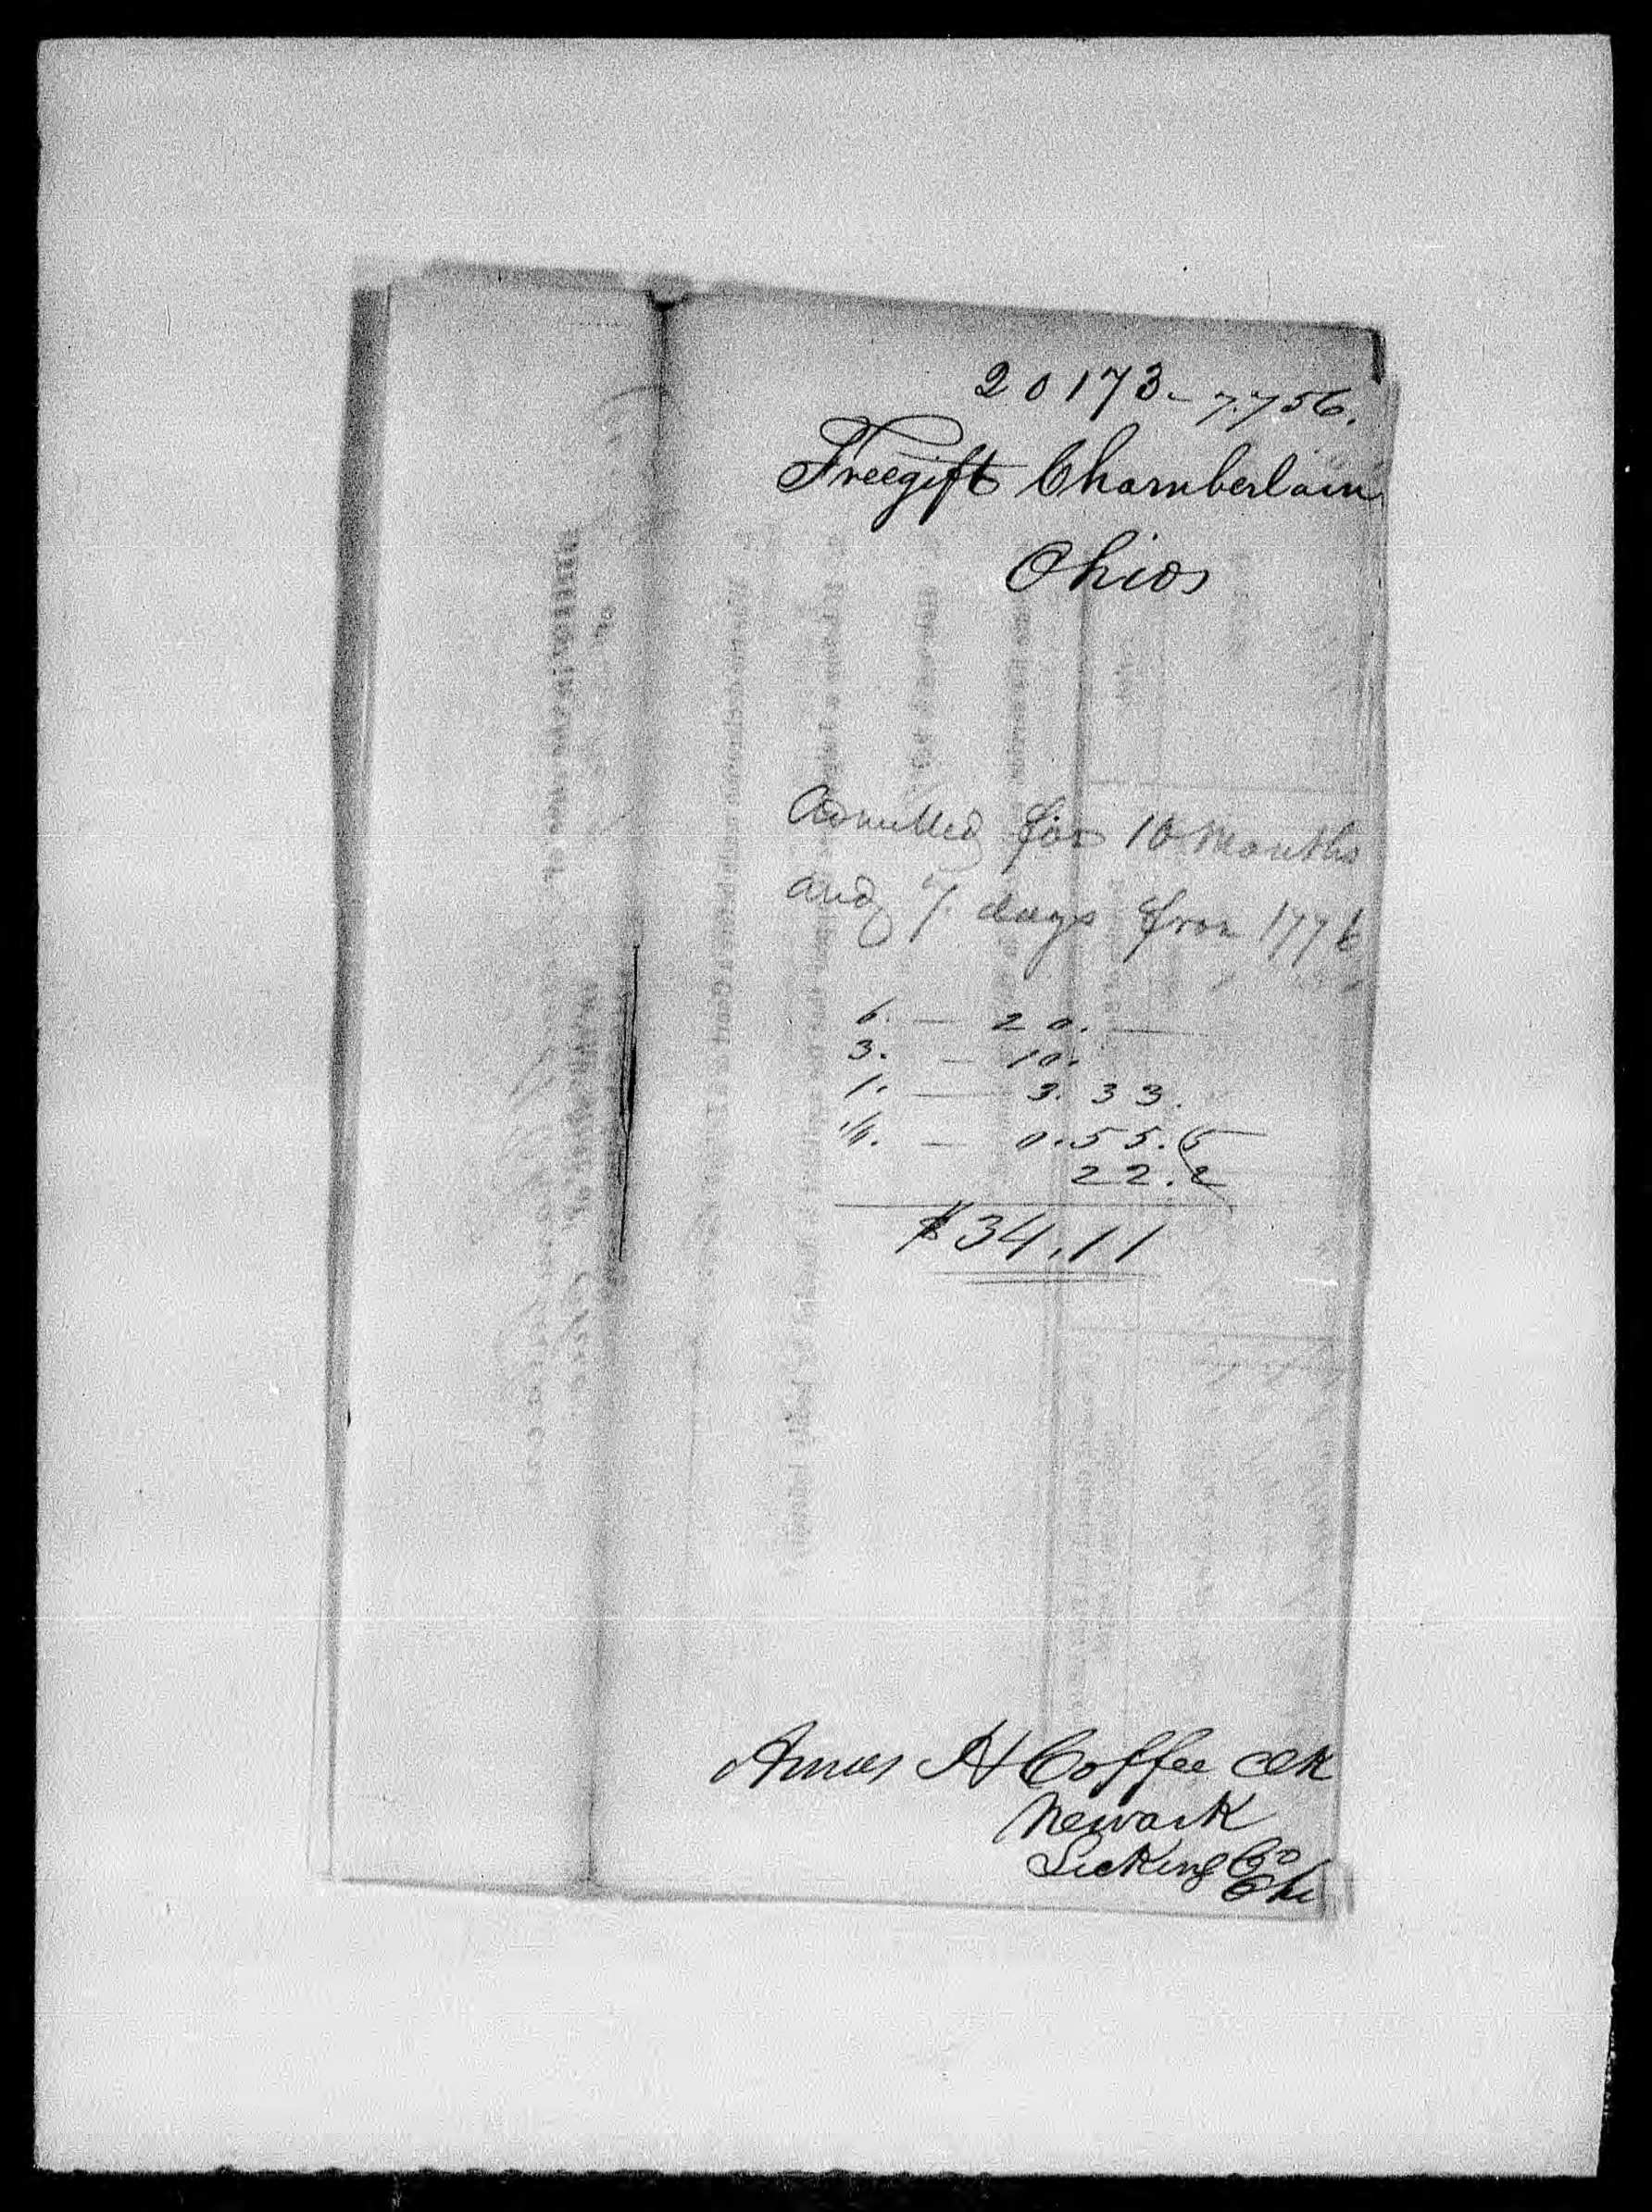20173 - 7756
Freegift Chamberlain
Ohio
Admitted for 10 months and 7 days from 1776
6. - 20. -
3. - 10.
1. - 3.33
1/4 - 0.55.5
22.2
$34.11
Amos H. Coffee clk
Newark Licking Co. Ohio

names: Freegift Chamberlain, Amos H Coffee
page: 8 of 18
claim: survivor's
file: S. 3151, Freegift Chamberlain, Penn.